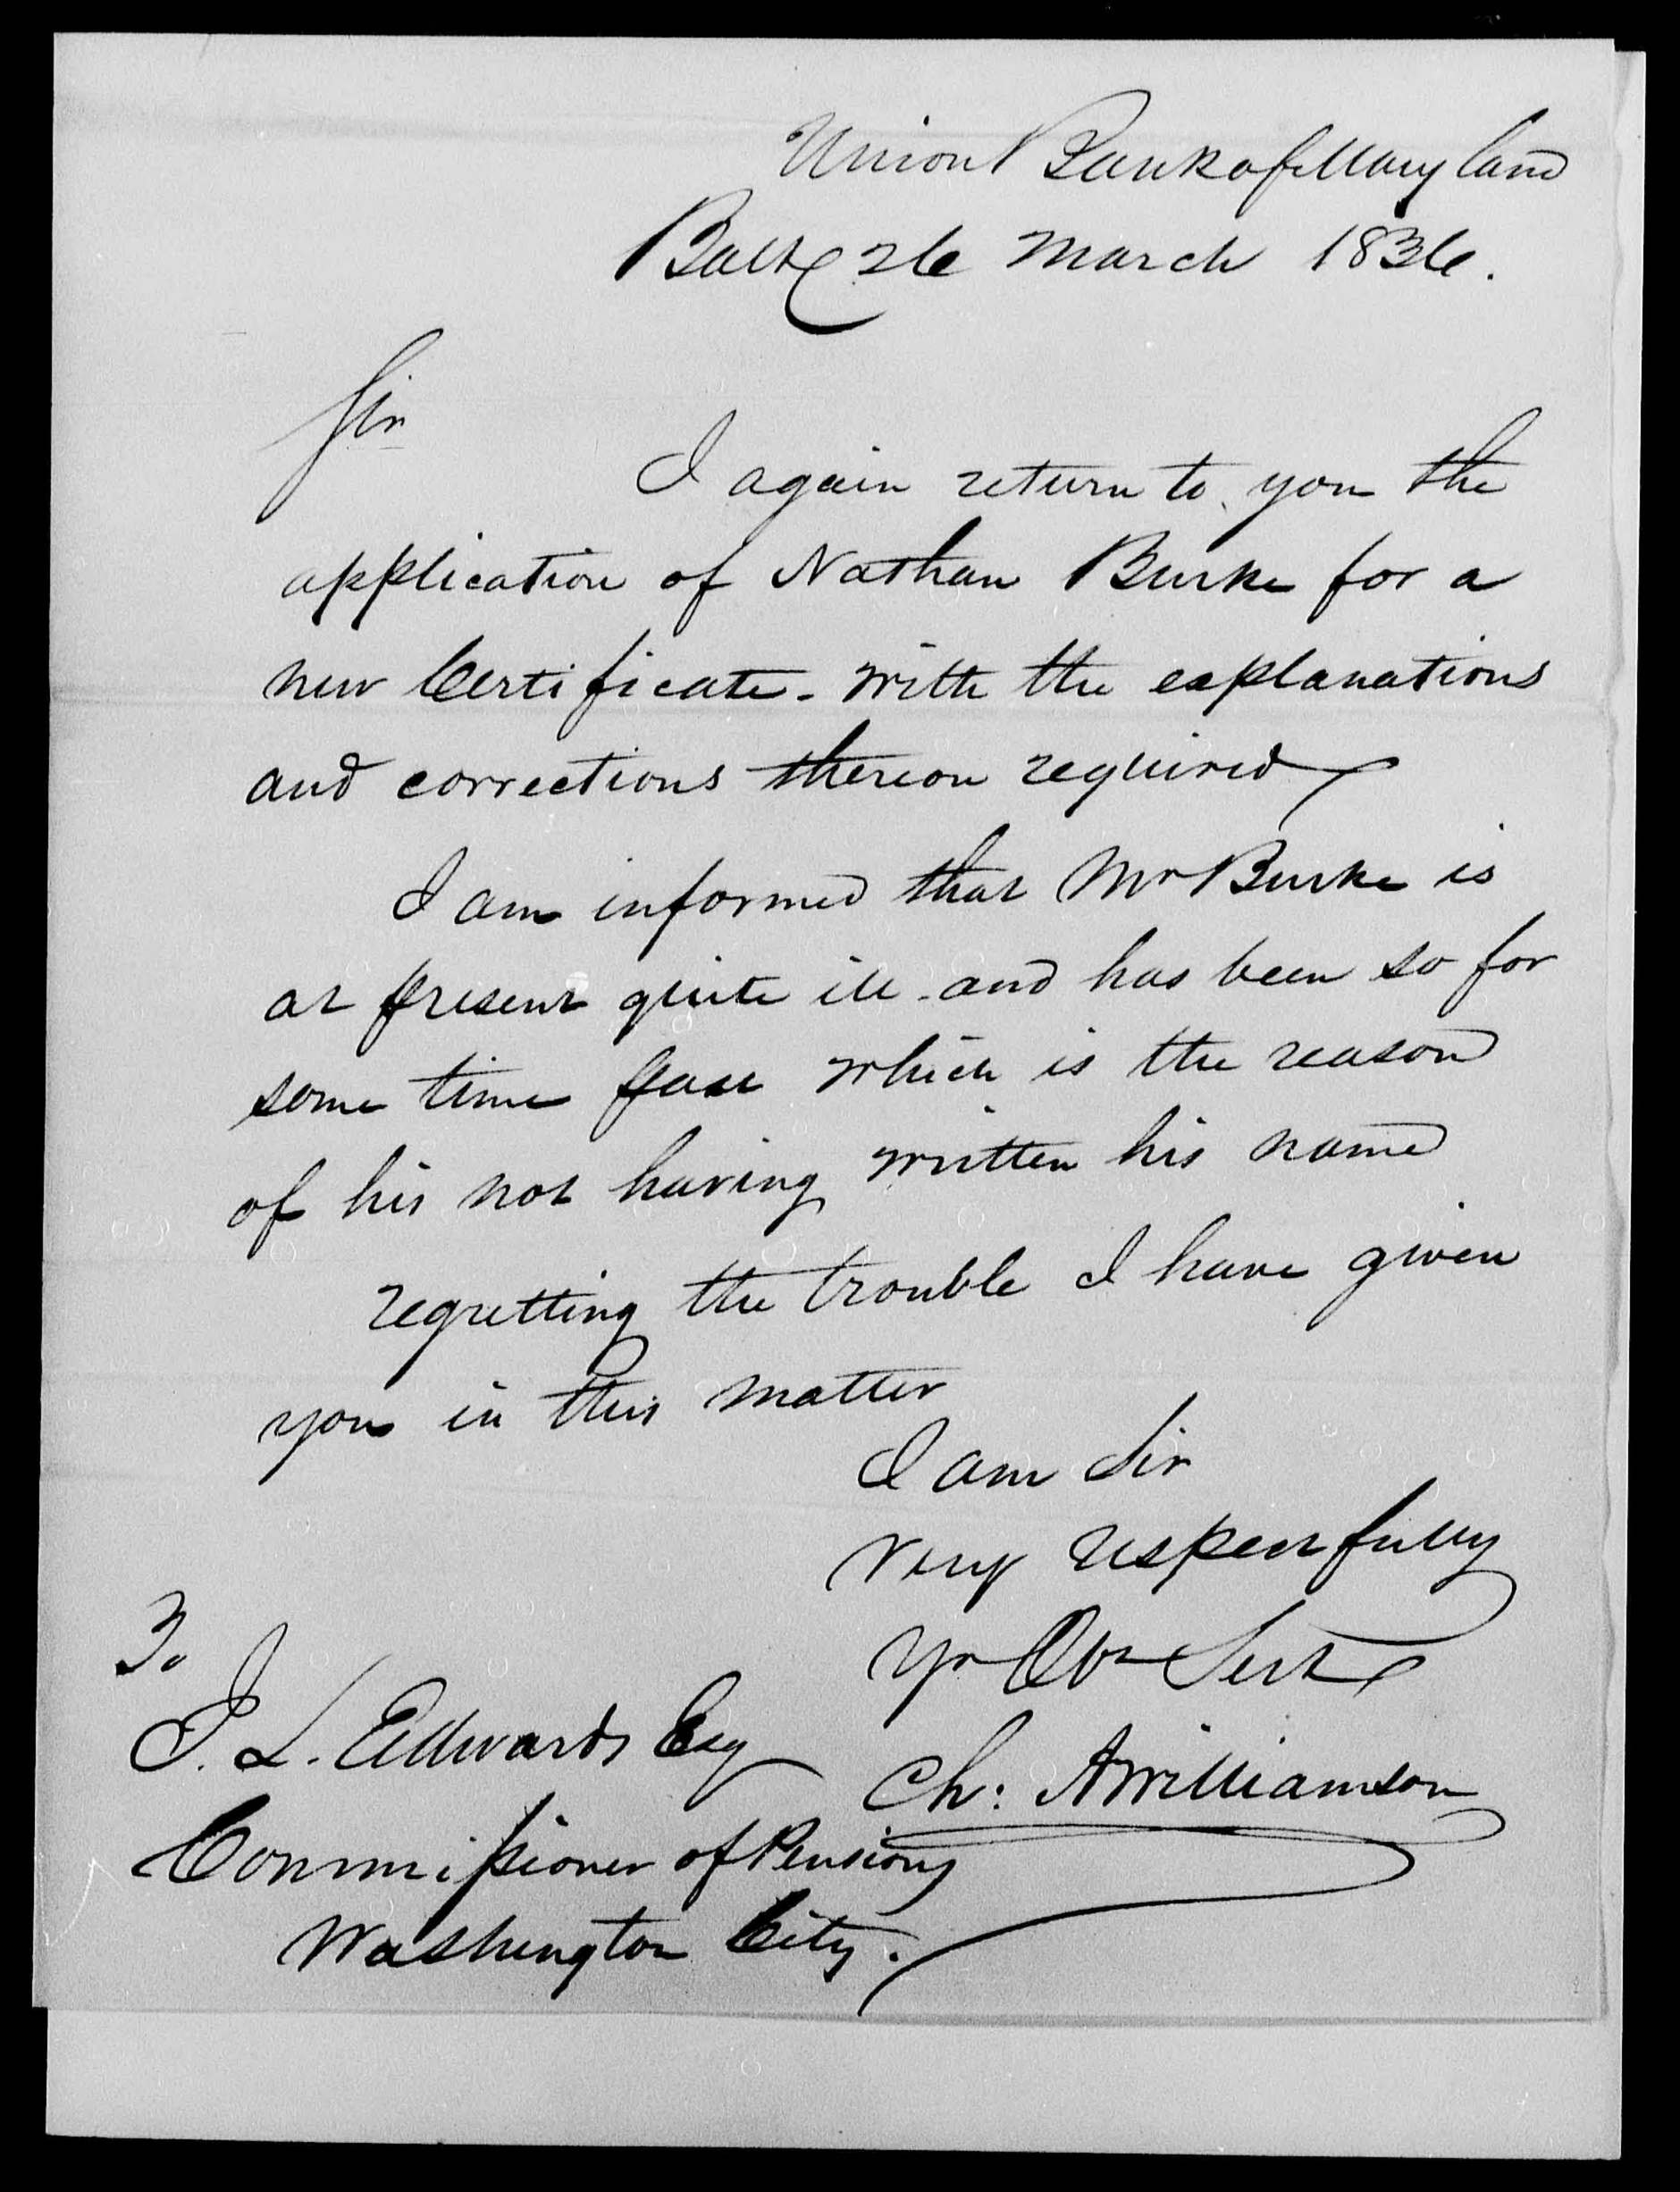Union Bank of Maryland
Balt 26 March 1836
Sir
I again return to you the
application of Nathan Burke for a
new Certificate-- with the explanations
and corrections thereon required.

I am informed that Mr Burke is
at present quite ill, and has been so for
some time for which is the reason
of his not having written his name
Regretting the trouble I have given
you in this matter

I am Sir
Very respectfully
Your Servant
Ch. A Williamson
To J. L. Edwards by
Commissioner of Pensions
Washington City
-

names: Nathan Burke, J L Edwards, Ch A Williamson, Burke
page: 17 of 20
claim: survivor's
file: S. 34674, Nathan Burk, Md.